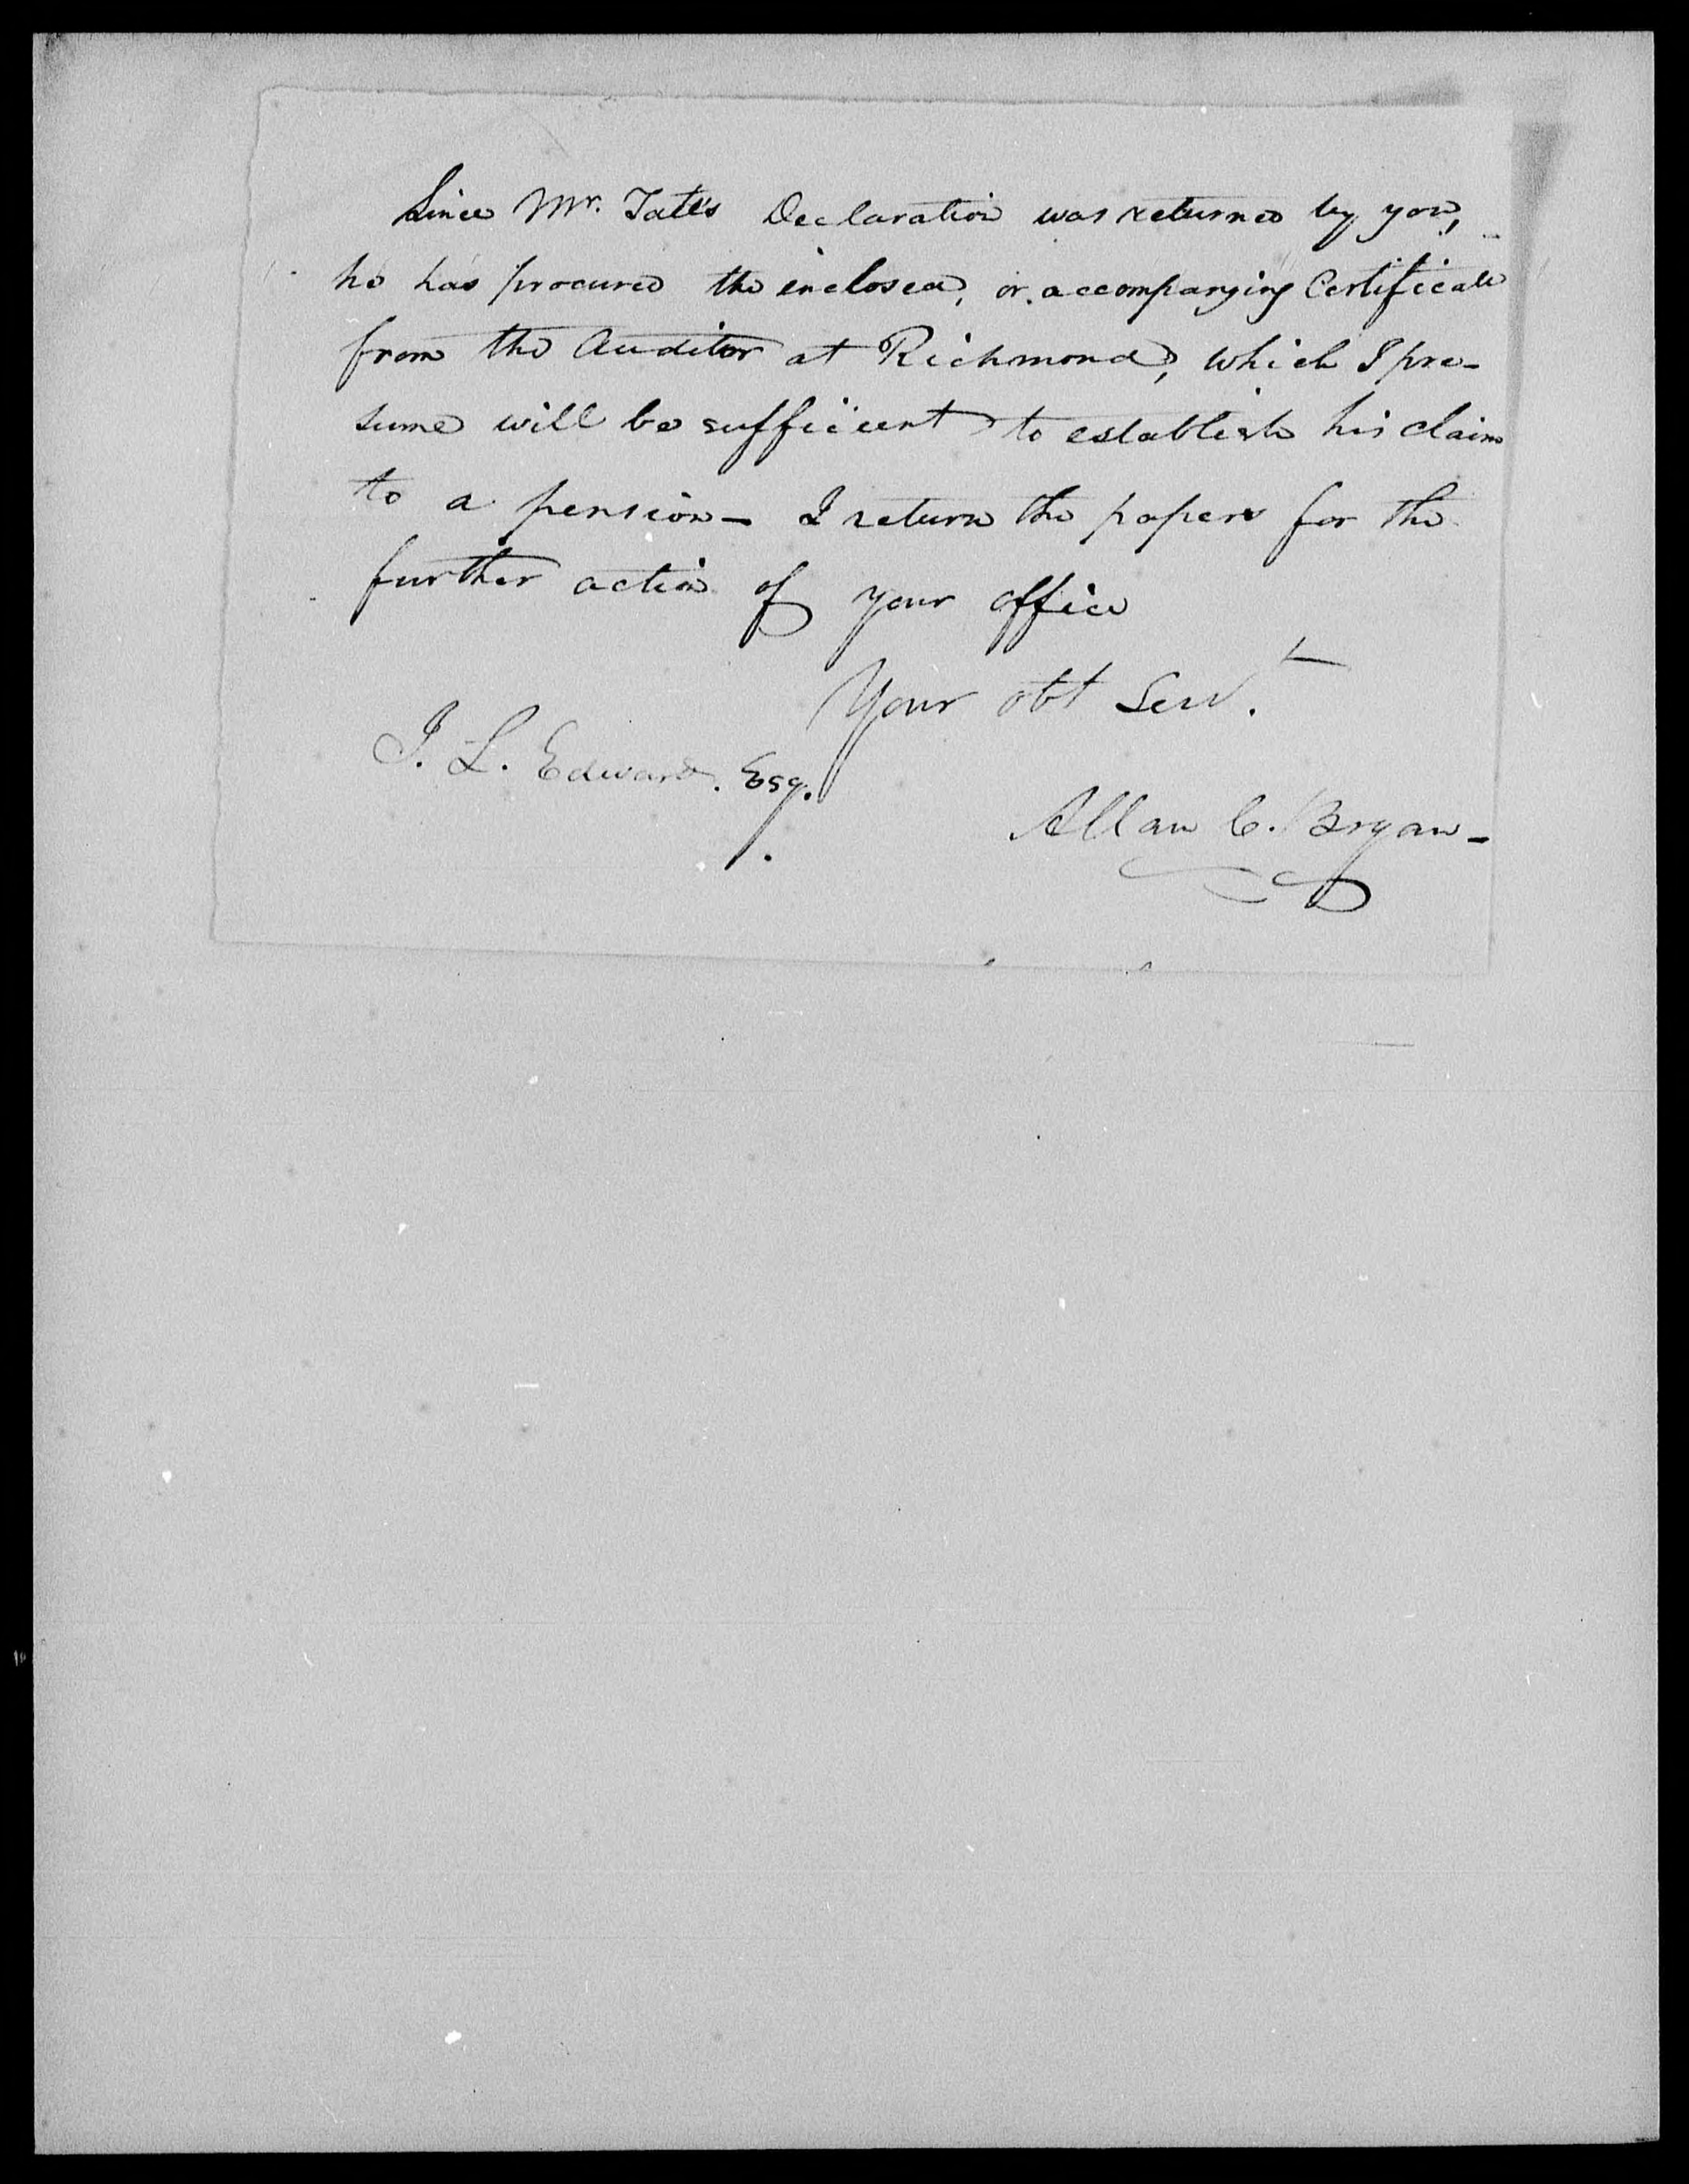Since Mr. Tate's Declaration was returned by you
he has procured the enclosed or accompanying certificate
from the auditor at Richmond, which I presume
some will be sufficient to establish his claim
to a pension. I return the papers for this 
further actions of the office
Your obt Serv.
J.L. Edward Esq.
Allan C. Bryan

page: 9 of 18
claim: survivor's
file: S. 11,508, for Mathew Tate, Virginia